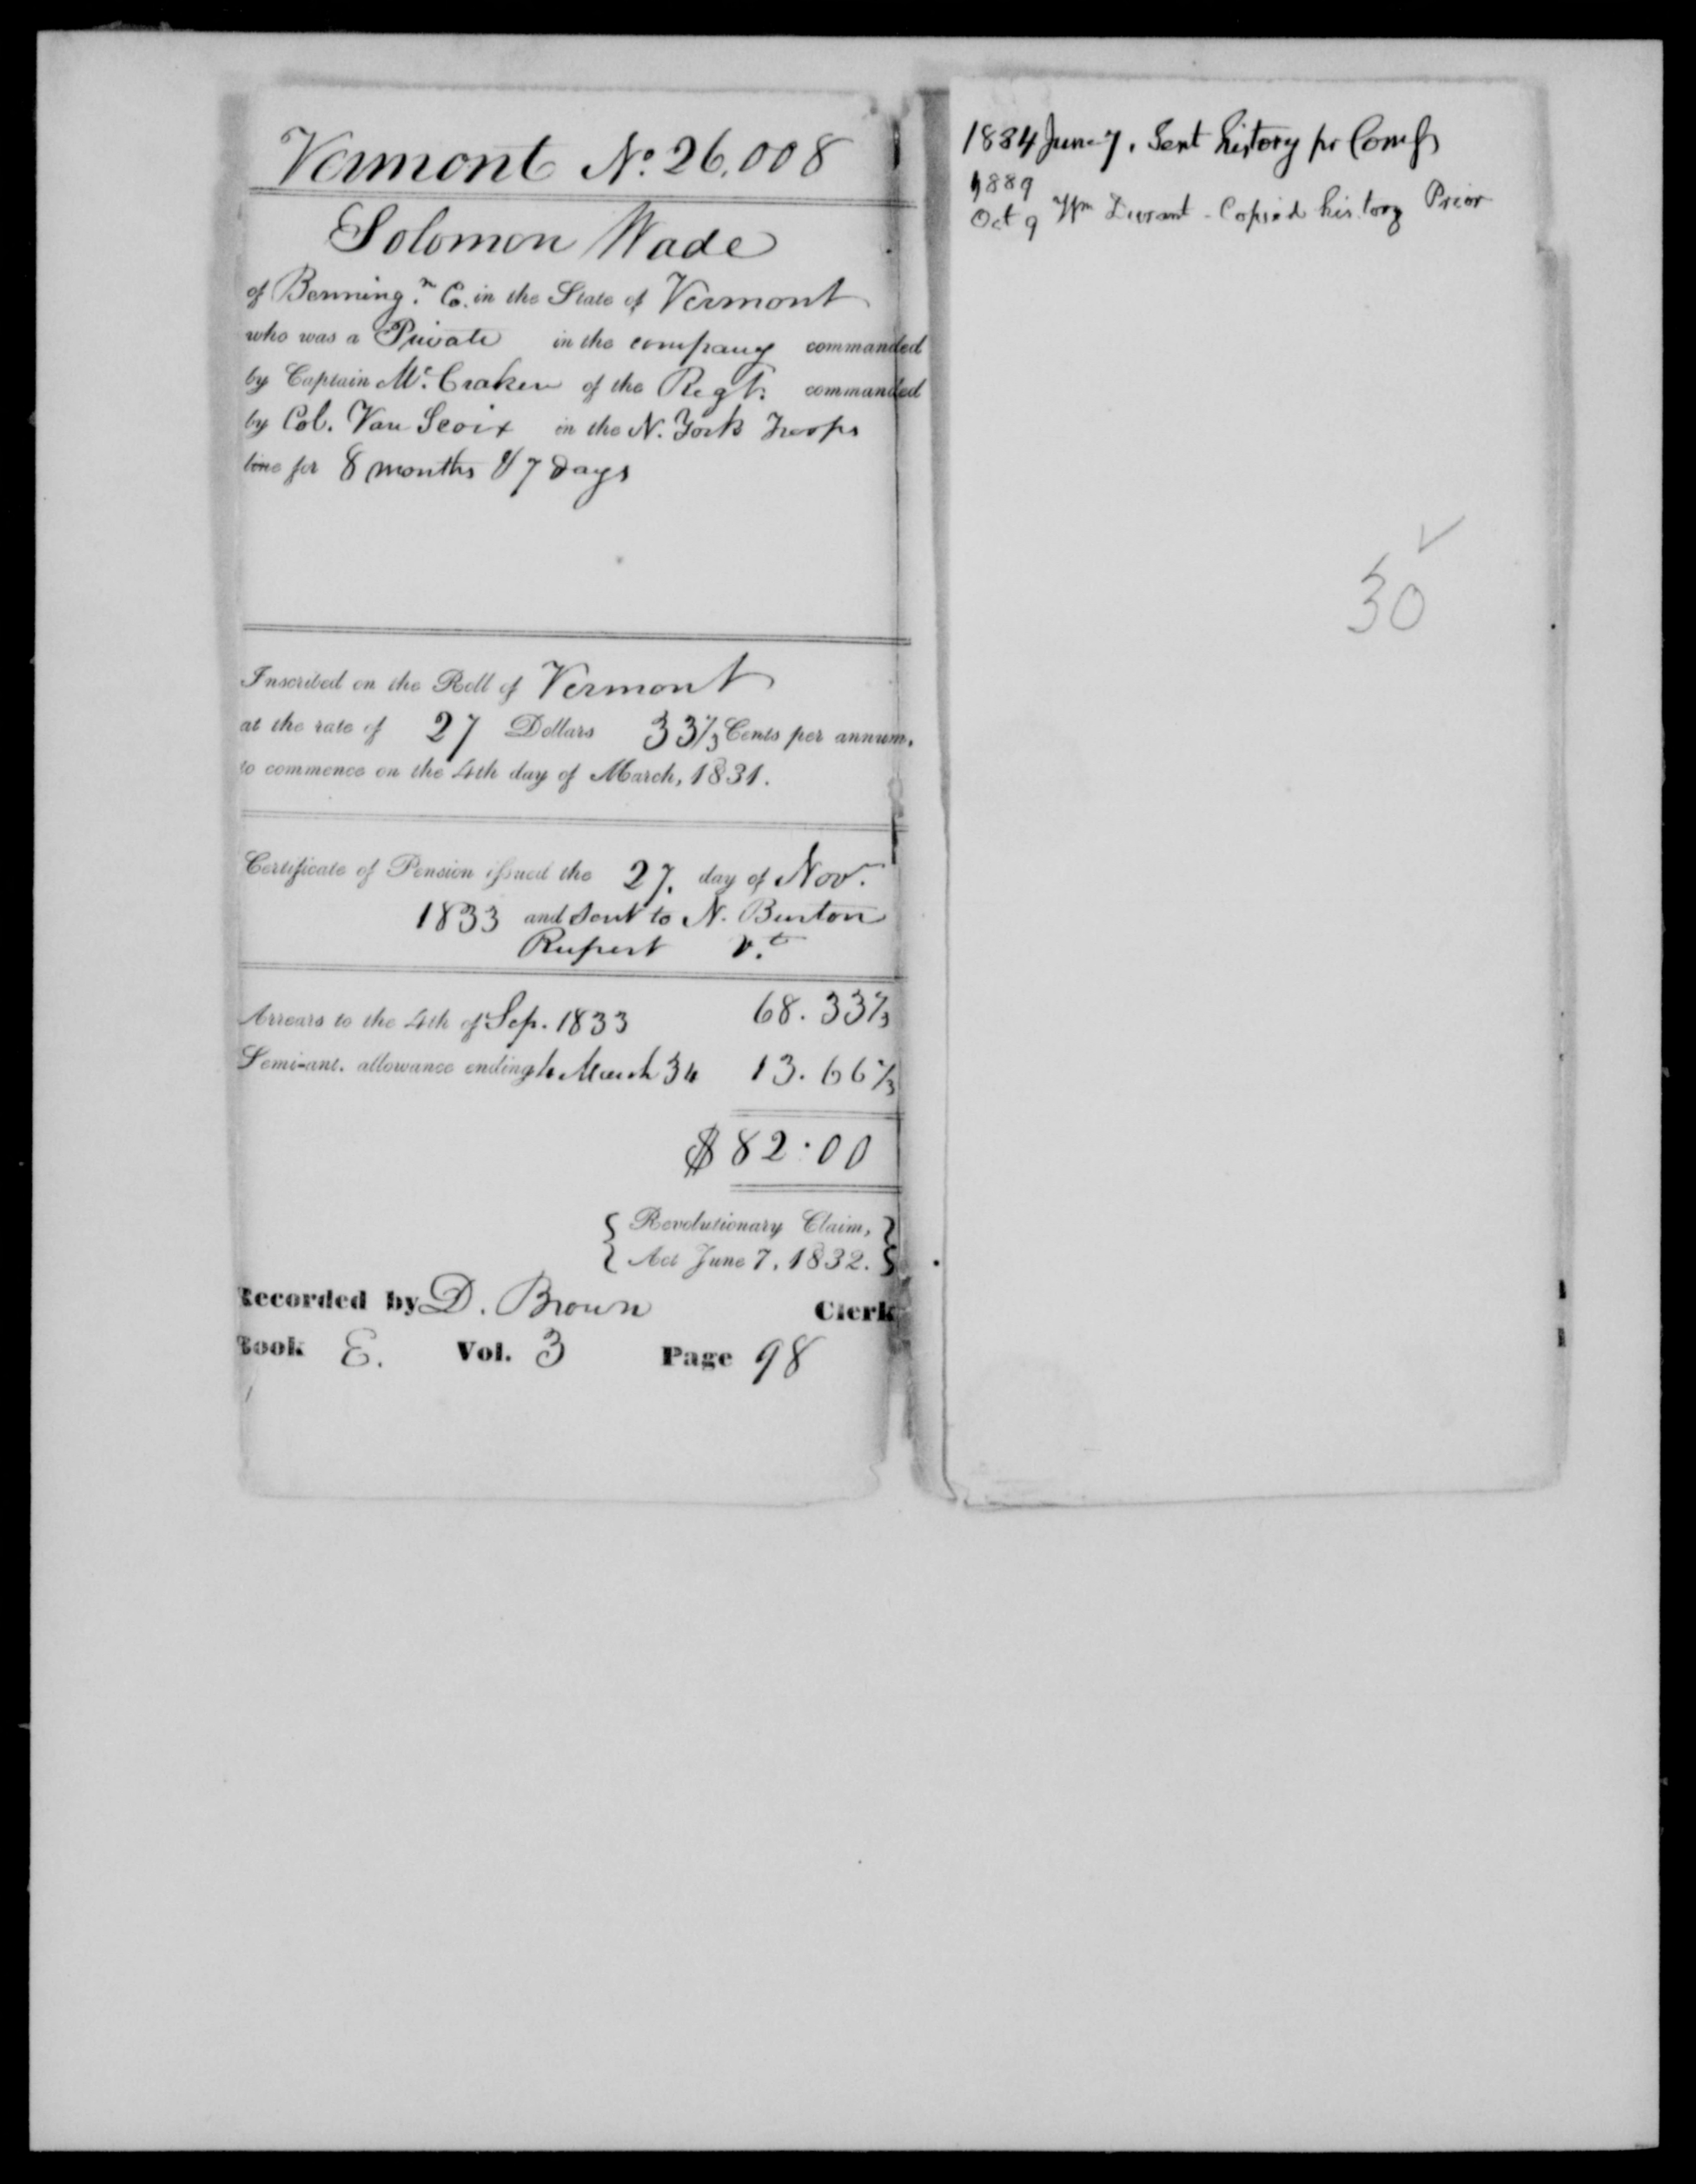Vermont No.26008
Solomon Wade of Benning [illegible] Co. in the State of Vermont who was a Private in the company commanded by Captain M. Craker of the Regt. commanded by Col. Van Seoix in the N. York Troops line for 8 months [illegible] 7 days

Inscribed on the Roll of Vermont at the rate of 27 Dollars 33-1/3 Cents per annum, to commence on the 4th day of March 1831.

Certificate of Pension issued the 27 day of Nov. 1833 and sent to N. Burton Rupert [illegible]

Arrears to the 4th of Sep. 1833
Semi-[illegible] allowance ending [illegible] March 34

68.33-1/3
13.66-1/3
$82.00
Revolutionary Claim, Act June 7, 1832
Recorded by D. Brown Clerk
Book E. Vol. 3 Page 98

1884 June 7 Sent history [illegible]
1889 Oct 9 Wm [illegible] copied history [illegible]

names: Wm Durant, D Brown, Mc Craken, Solomon Wade, N Burton, Van Scoit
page: 2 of 15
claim: survivor's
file: S. 11677, Solomon Wade, New York